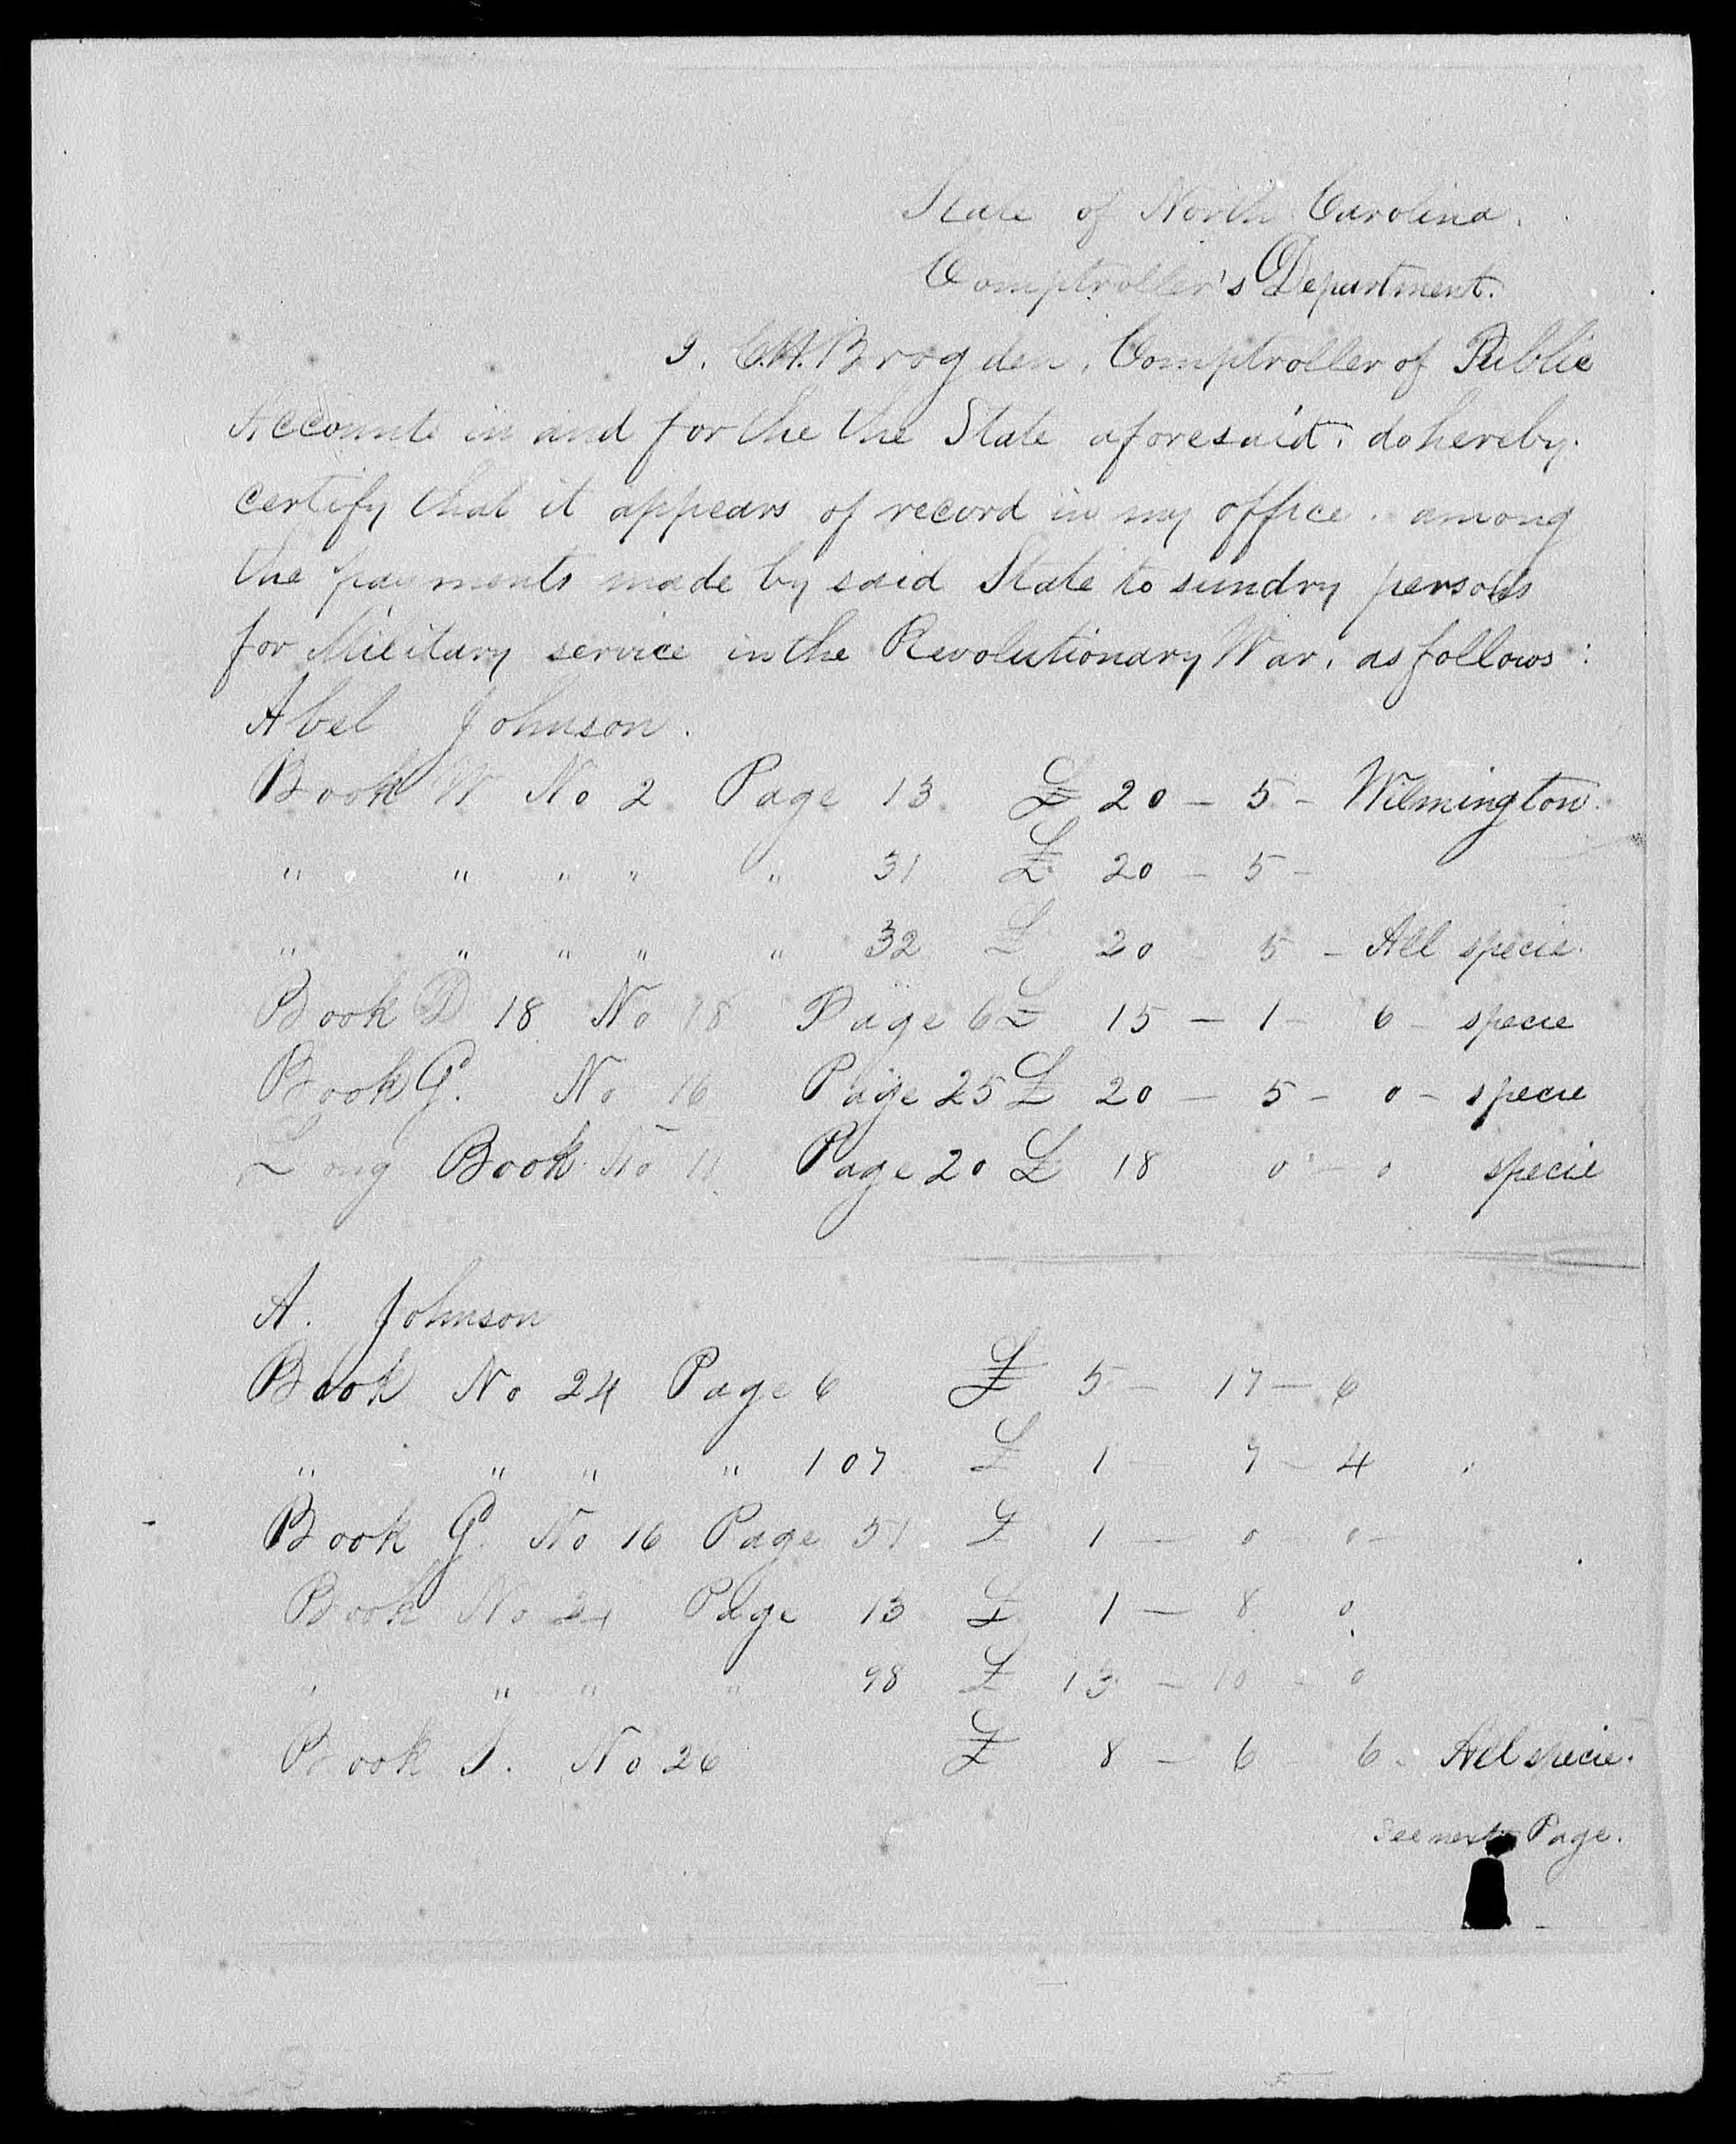State of North Carolina
Comptroller’s Department

I, C. H. Brogden, Comptroller of Public Accounts in and for the State aforesaid, do hereby certify that it appears of record in my office among the payments made by said State to sundry persons for military service in the Revolutionary War as follows:

Abel Johnson
Book W. No. 2 Page 13: £20.5 Wilmington 
Book W. No. 2 Page 31: £20.5 
Book W. No. 2 Page 32: £20.5 All Specie

Book D. No. 18 Page 6: £15/1/6 Specie
Book G. No. 16 Page 25: £20/5/0 Specie
Long Book No. 11 Page 20: £18/5/0 Specie

Abel Johnson
Book No. 24, Page 6: £5/17/6
           Page 107: £1/3/4
Book G. No. 16 Page 57: £1/0/0
Book No. 54, Page 13: £1/8/0 
  	           Page 98: £13/10/0
Book S. No. 26: £8/6/6 All Specie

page: 33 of 74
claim: rejected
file: R. 5600, for Abel Johnson, North Carolina